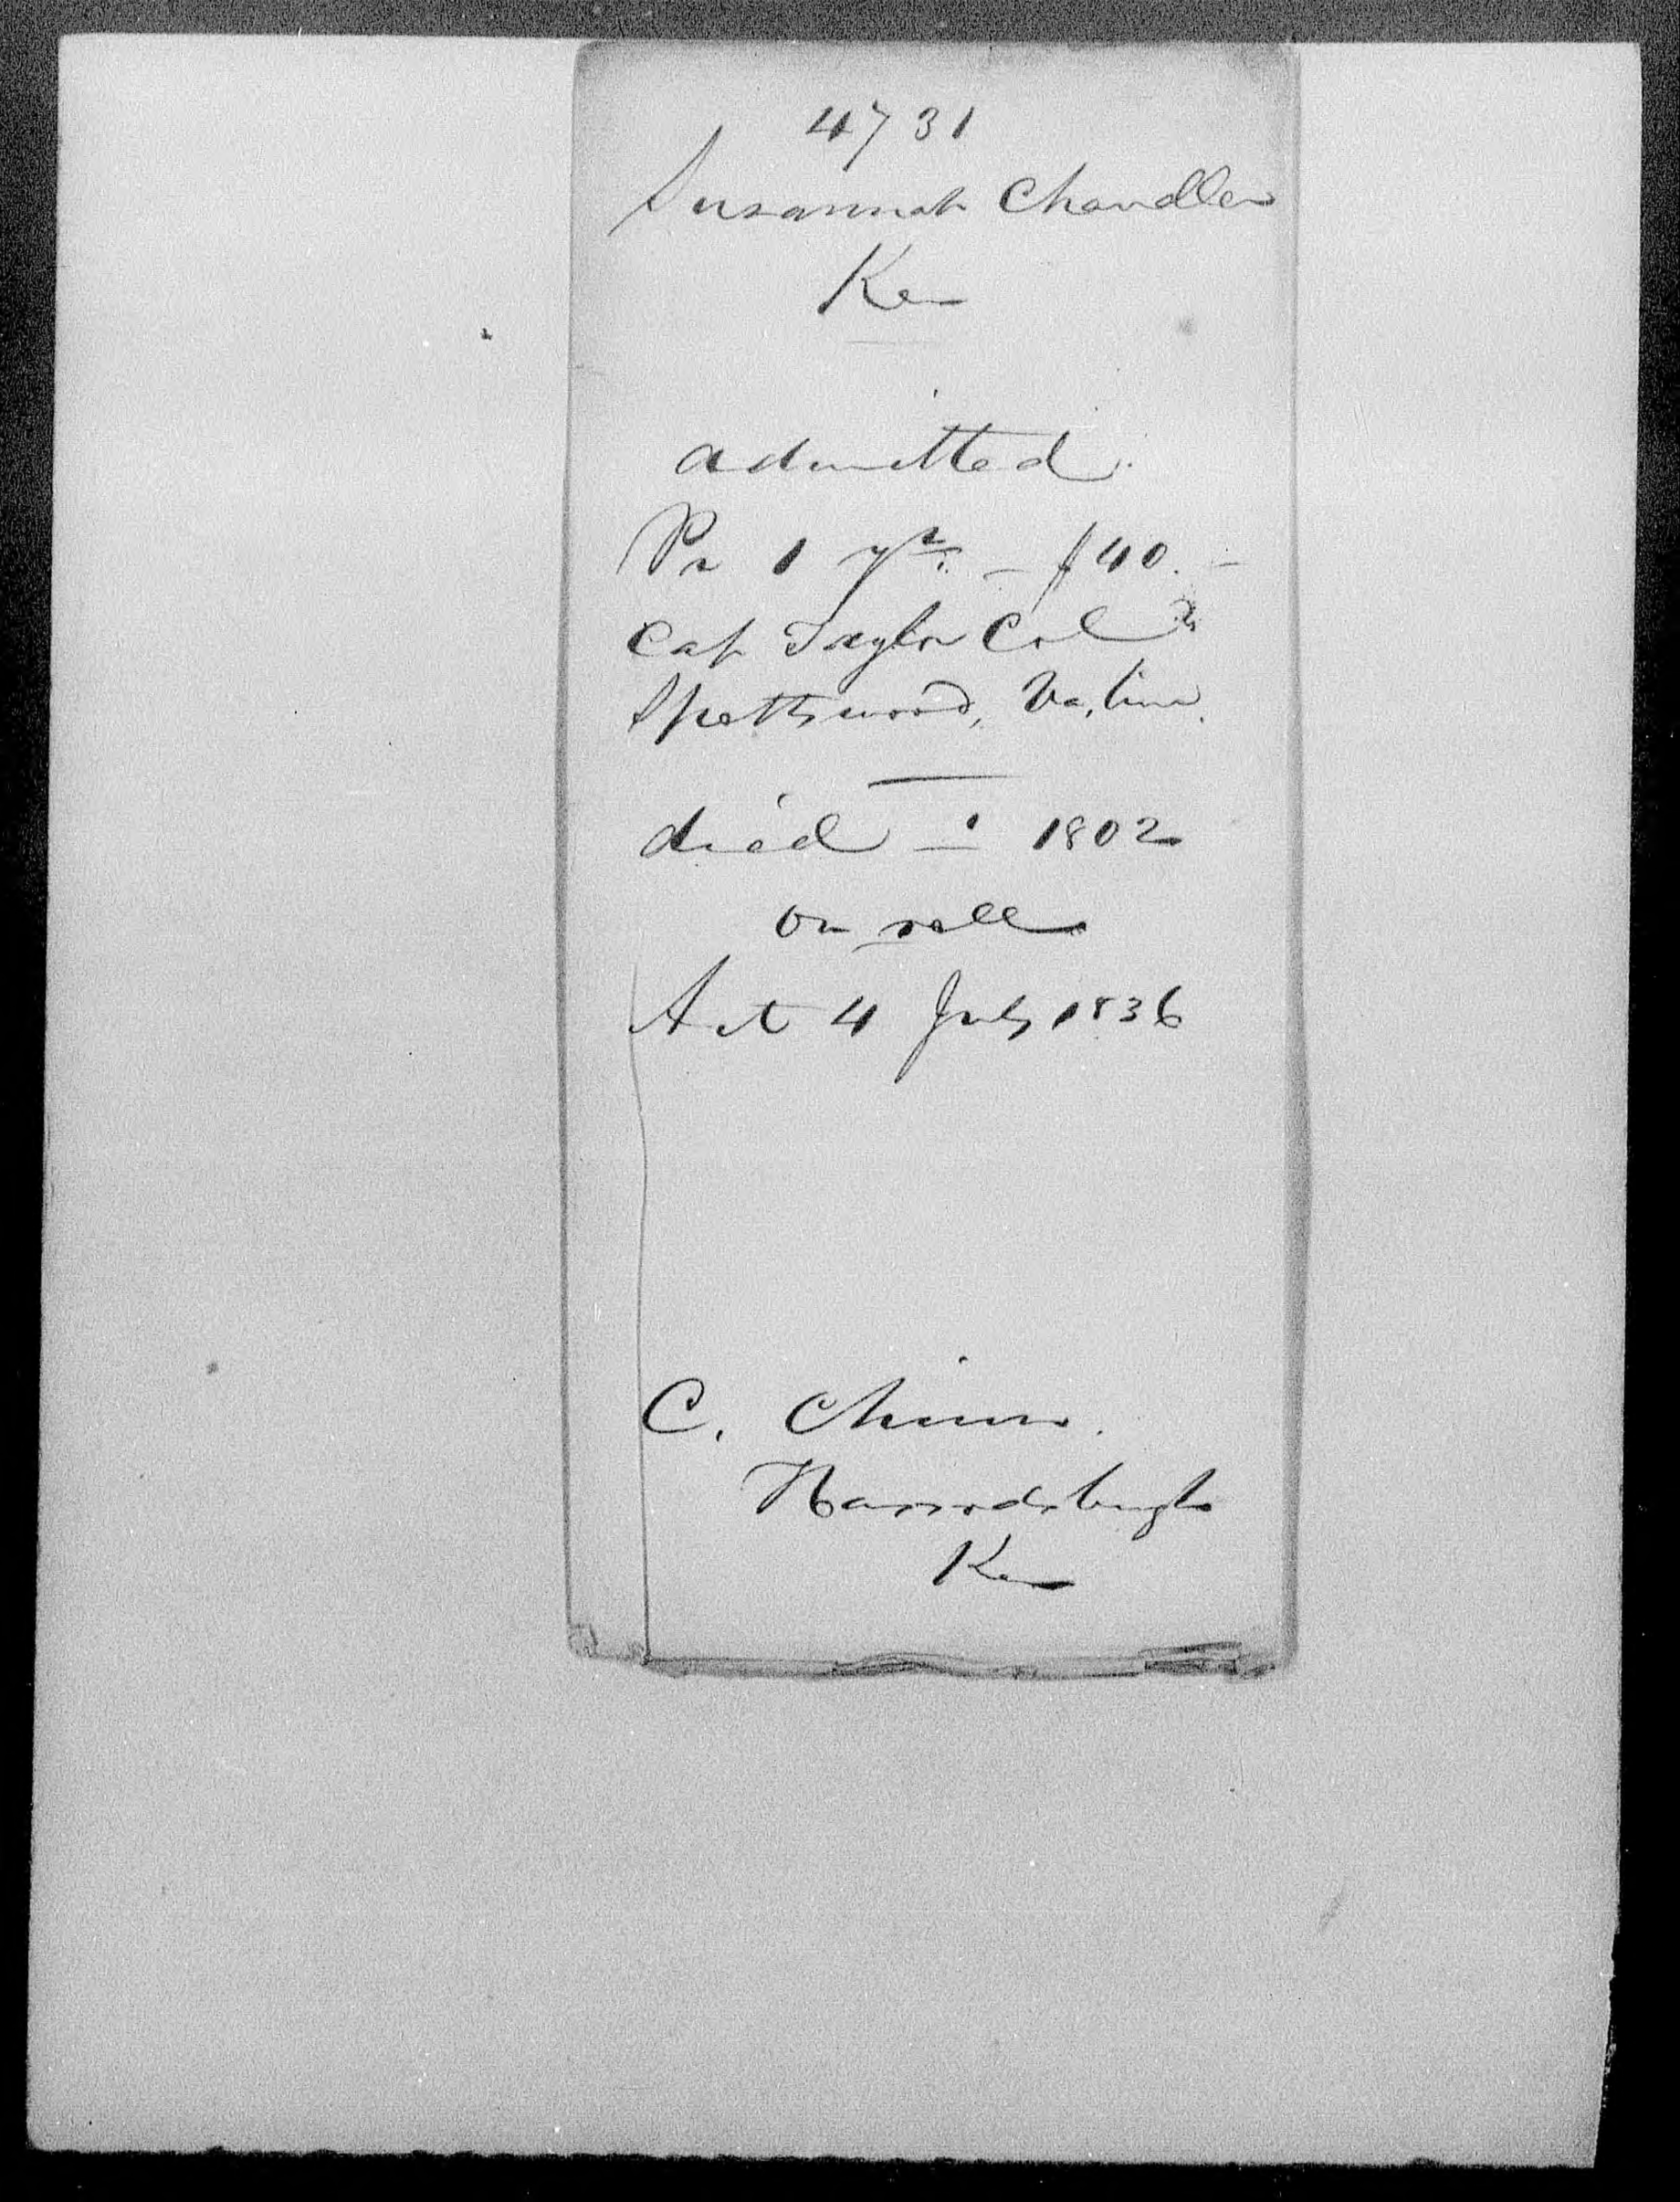4731
Susannah Chandler
Ken
Admitted
Ps 1 year   $40.-
Cap Taylor Col.
Spottswood, Va. Line
died 1802
on roll
Act 4  July 1836

C. Chinn
Harrodsburgh
Ken.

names: Susannah Chandler, Taylor, C Chinn, Spottswood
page: 8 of 12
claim: widow's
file: W. 8598, Robert Chandler, Va.